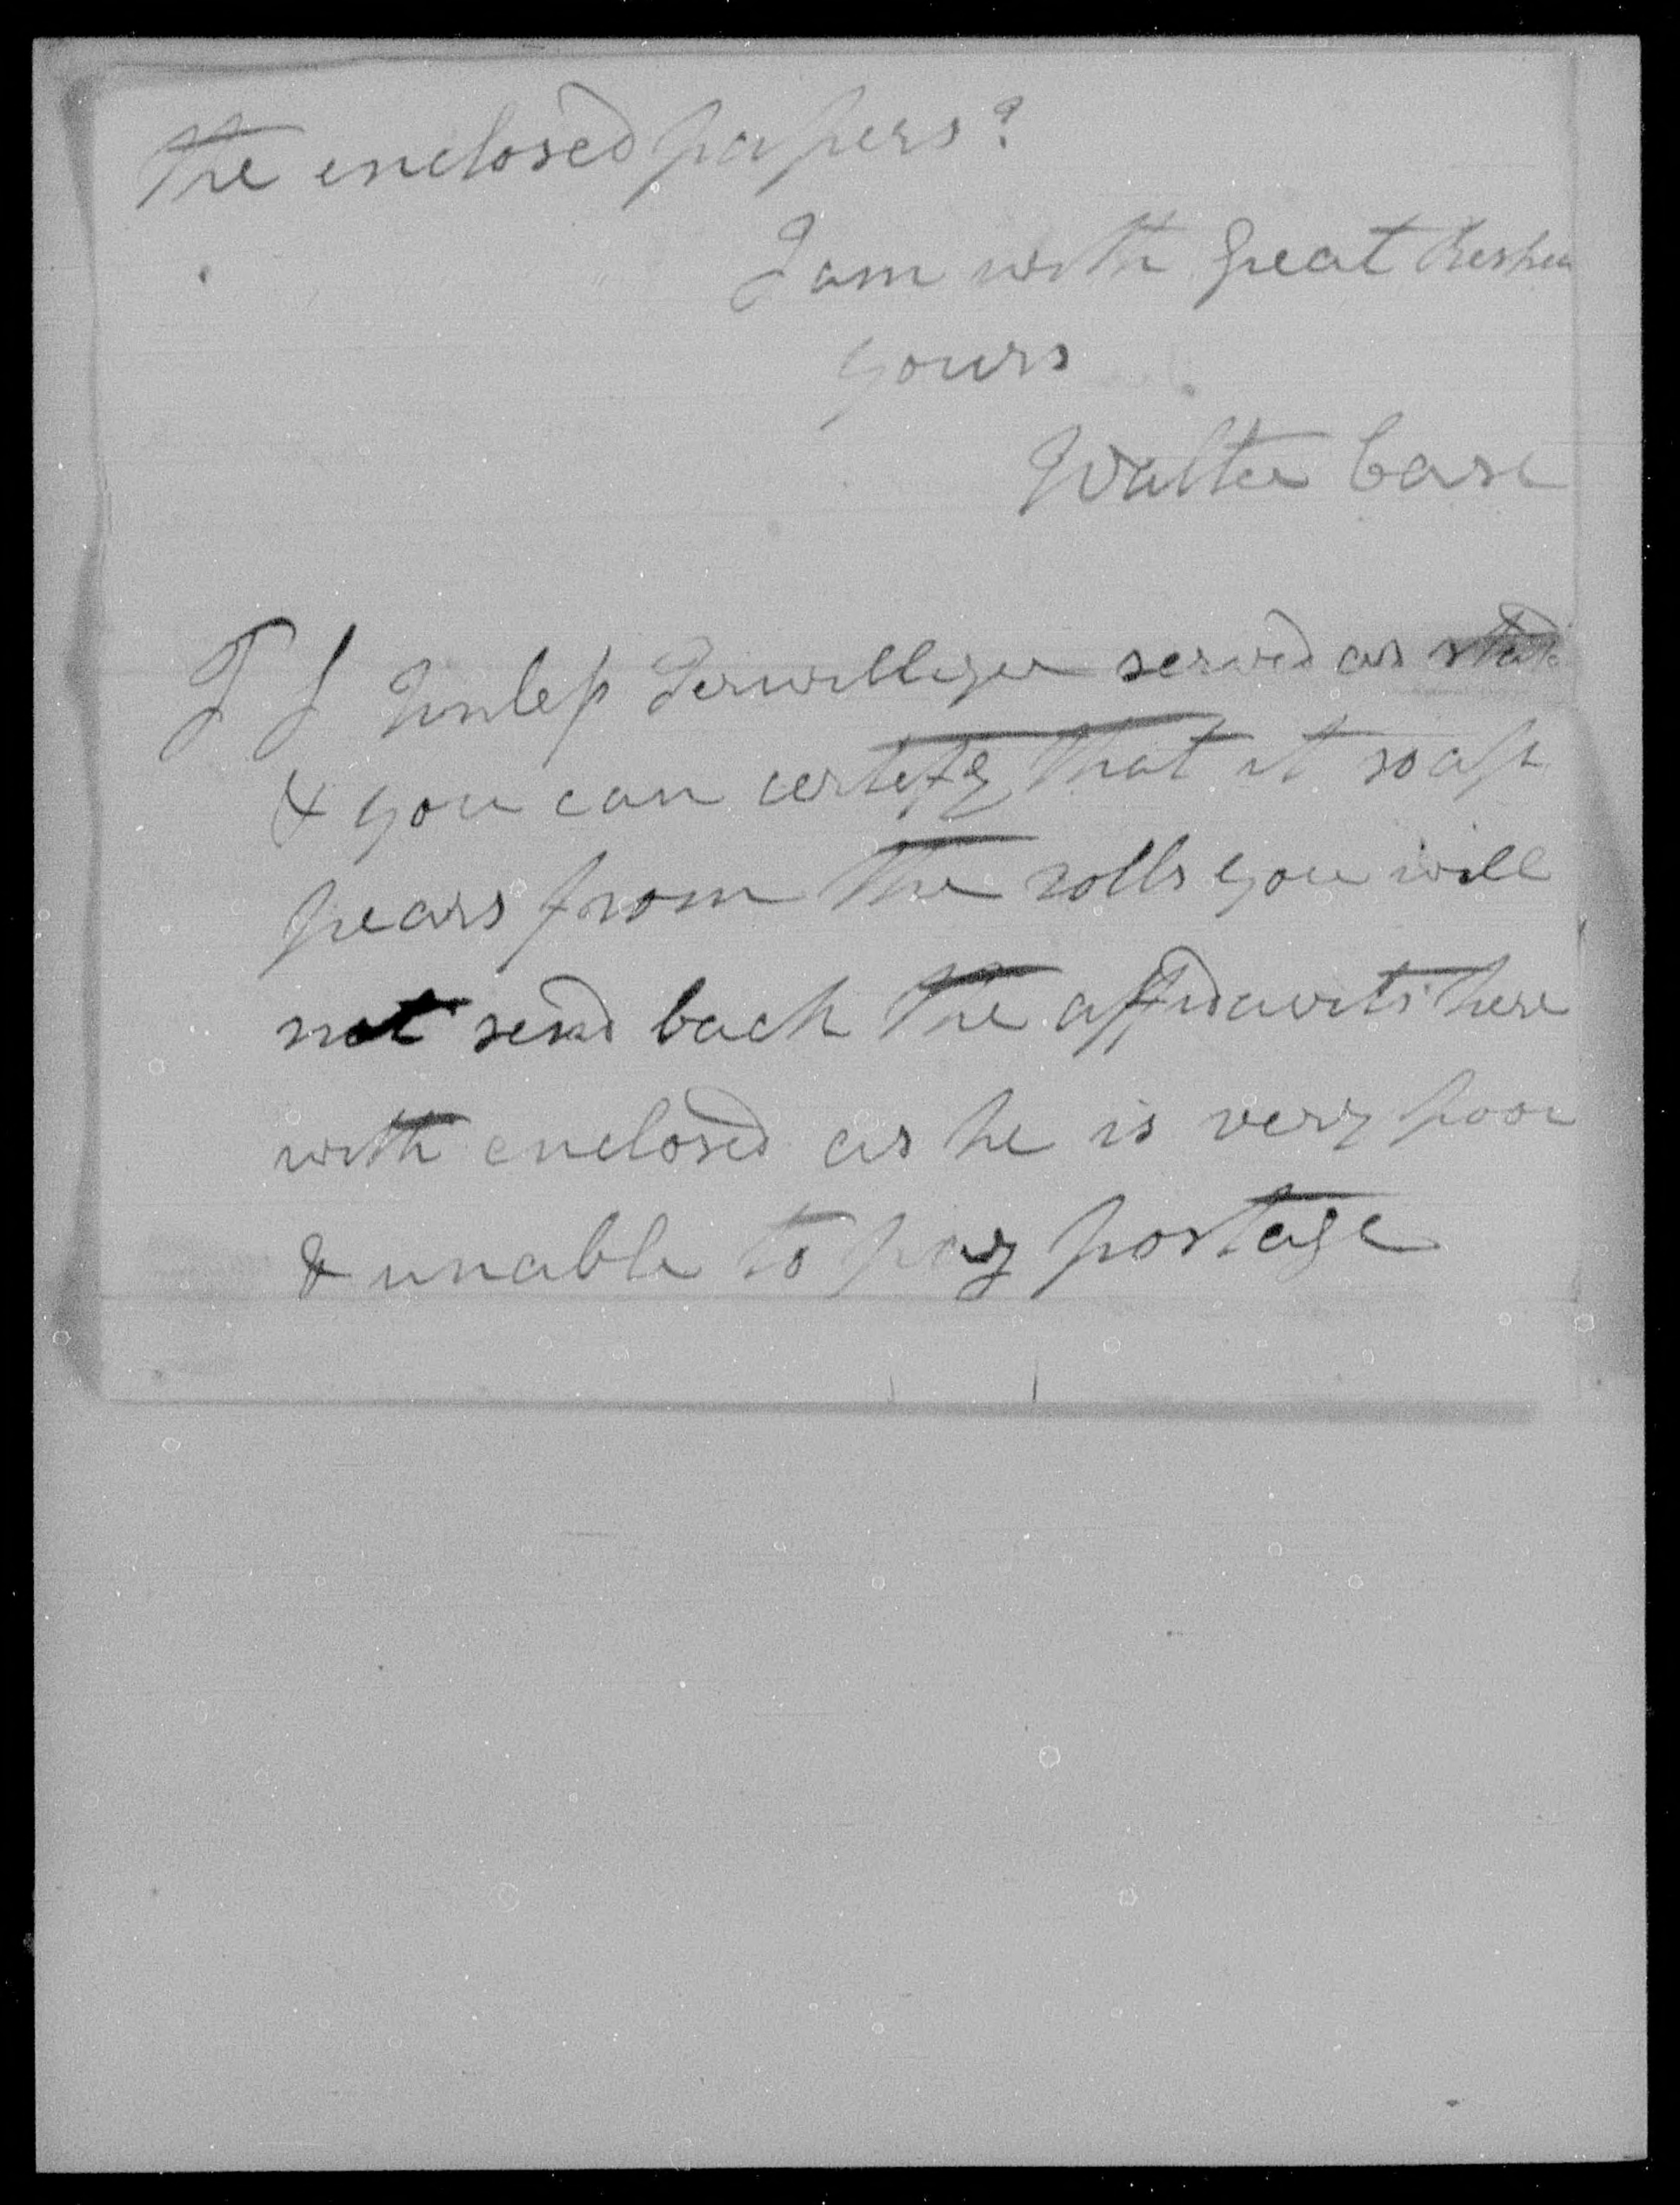The enclosed papers?
I am with great respec
yours

Walter Case

Unless Terwilliger served as stated
& you can certify that it appears from
years from the rolls you will
not send back the affidavits here
with enclosed as he is very poor
& unable to pay postage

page: 42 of 64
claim: survivor's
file: S. 42,464, for William Terwilliger, New York